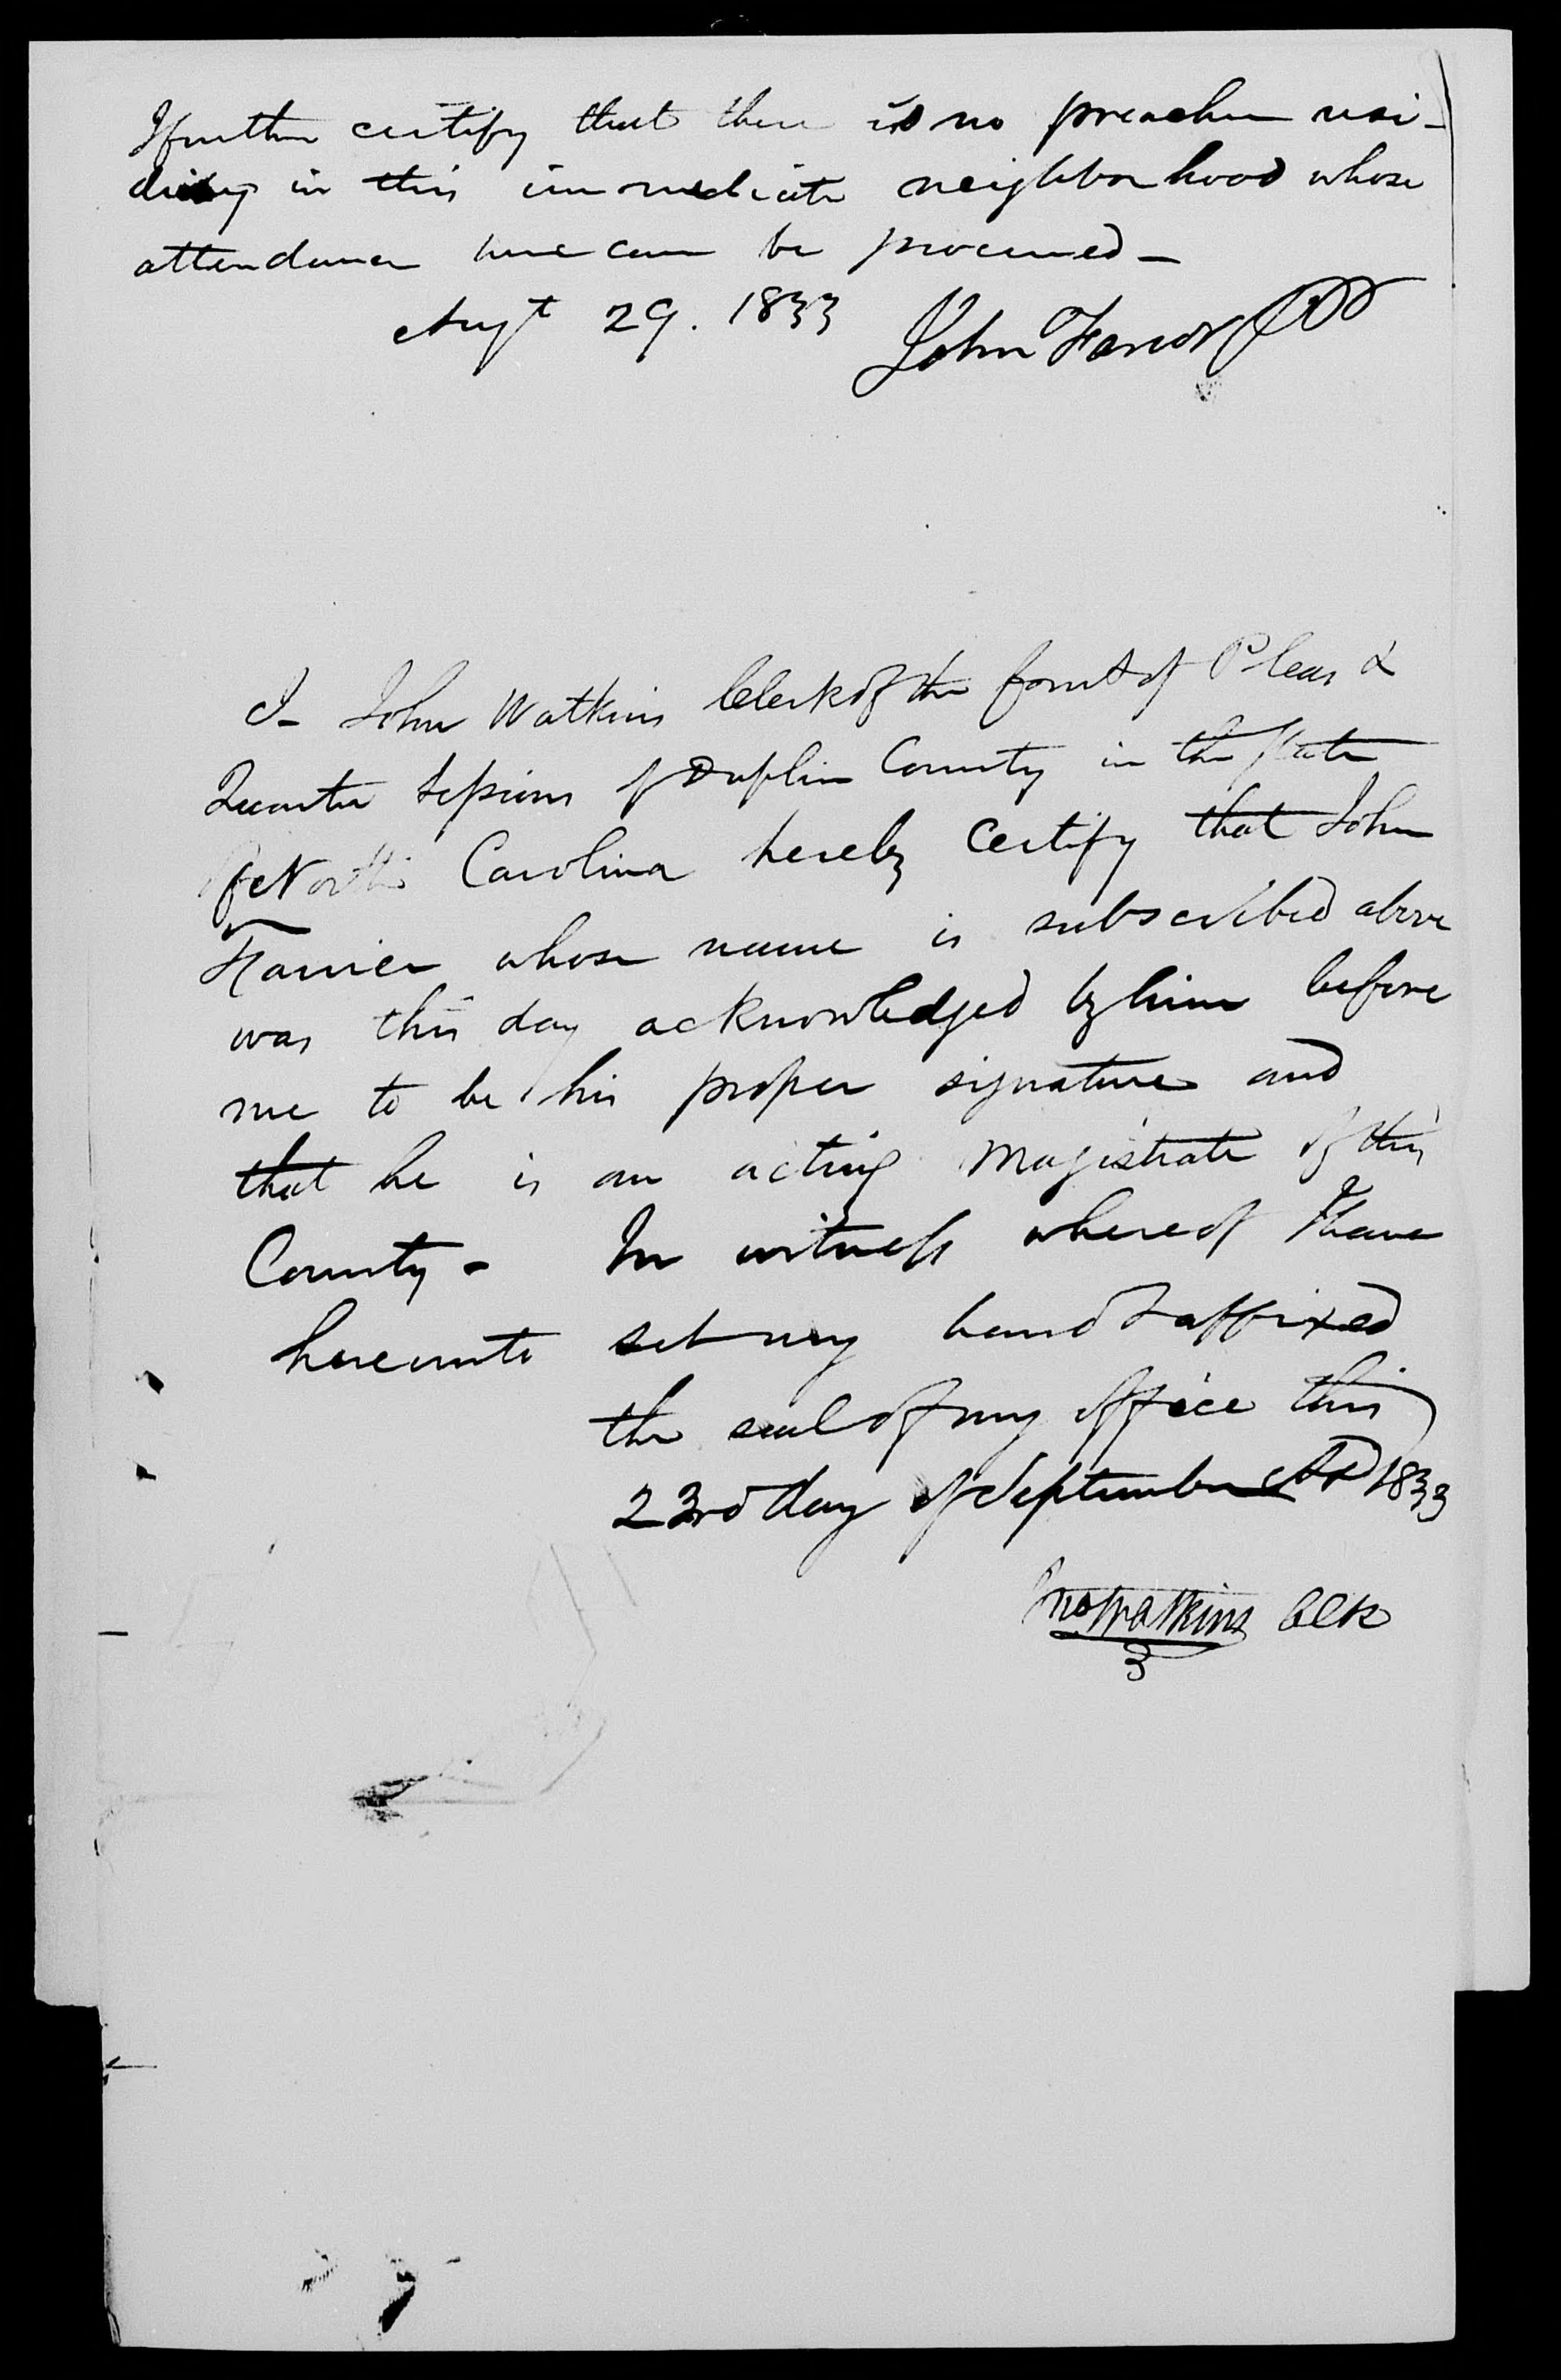I further certify that there is no preacher residing in this immediate neighborhood  whose attendance now can be procured.  John Fanor JP
Augt 19, 1833

I John Watkins Clerk of the Court of Pleas and Quarter sessions of Duplin County in the State of North Carolina herby certify that Joan Farnier whose name is subscribed above was this day acknowledged by him before me to be his proper signature and that he is an acting Magistrate of this county- In witness whereof I have hereunto set my hand and affixed the seal of my office this 23 day of September AD 1833  Jno Watkins Clk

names: John Fanor, John Fanier, Jno Watkins, John Watkins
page: 27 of 38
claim: widow's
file: W. 5231, Hilary Brinson, N.C.